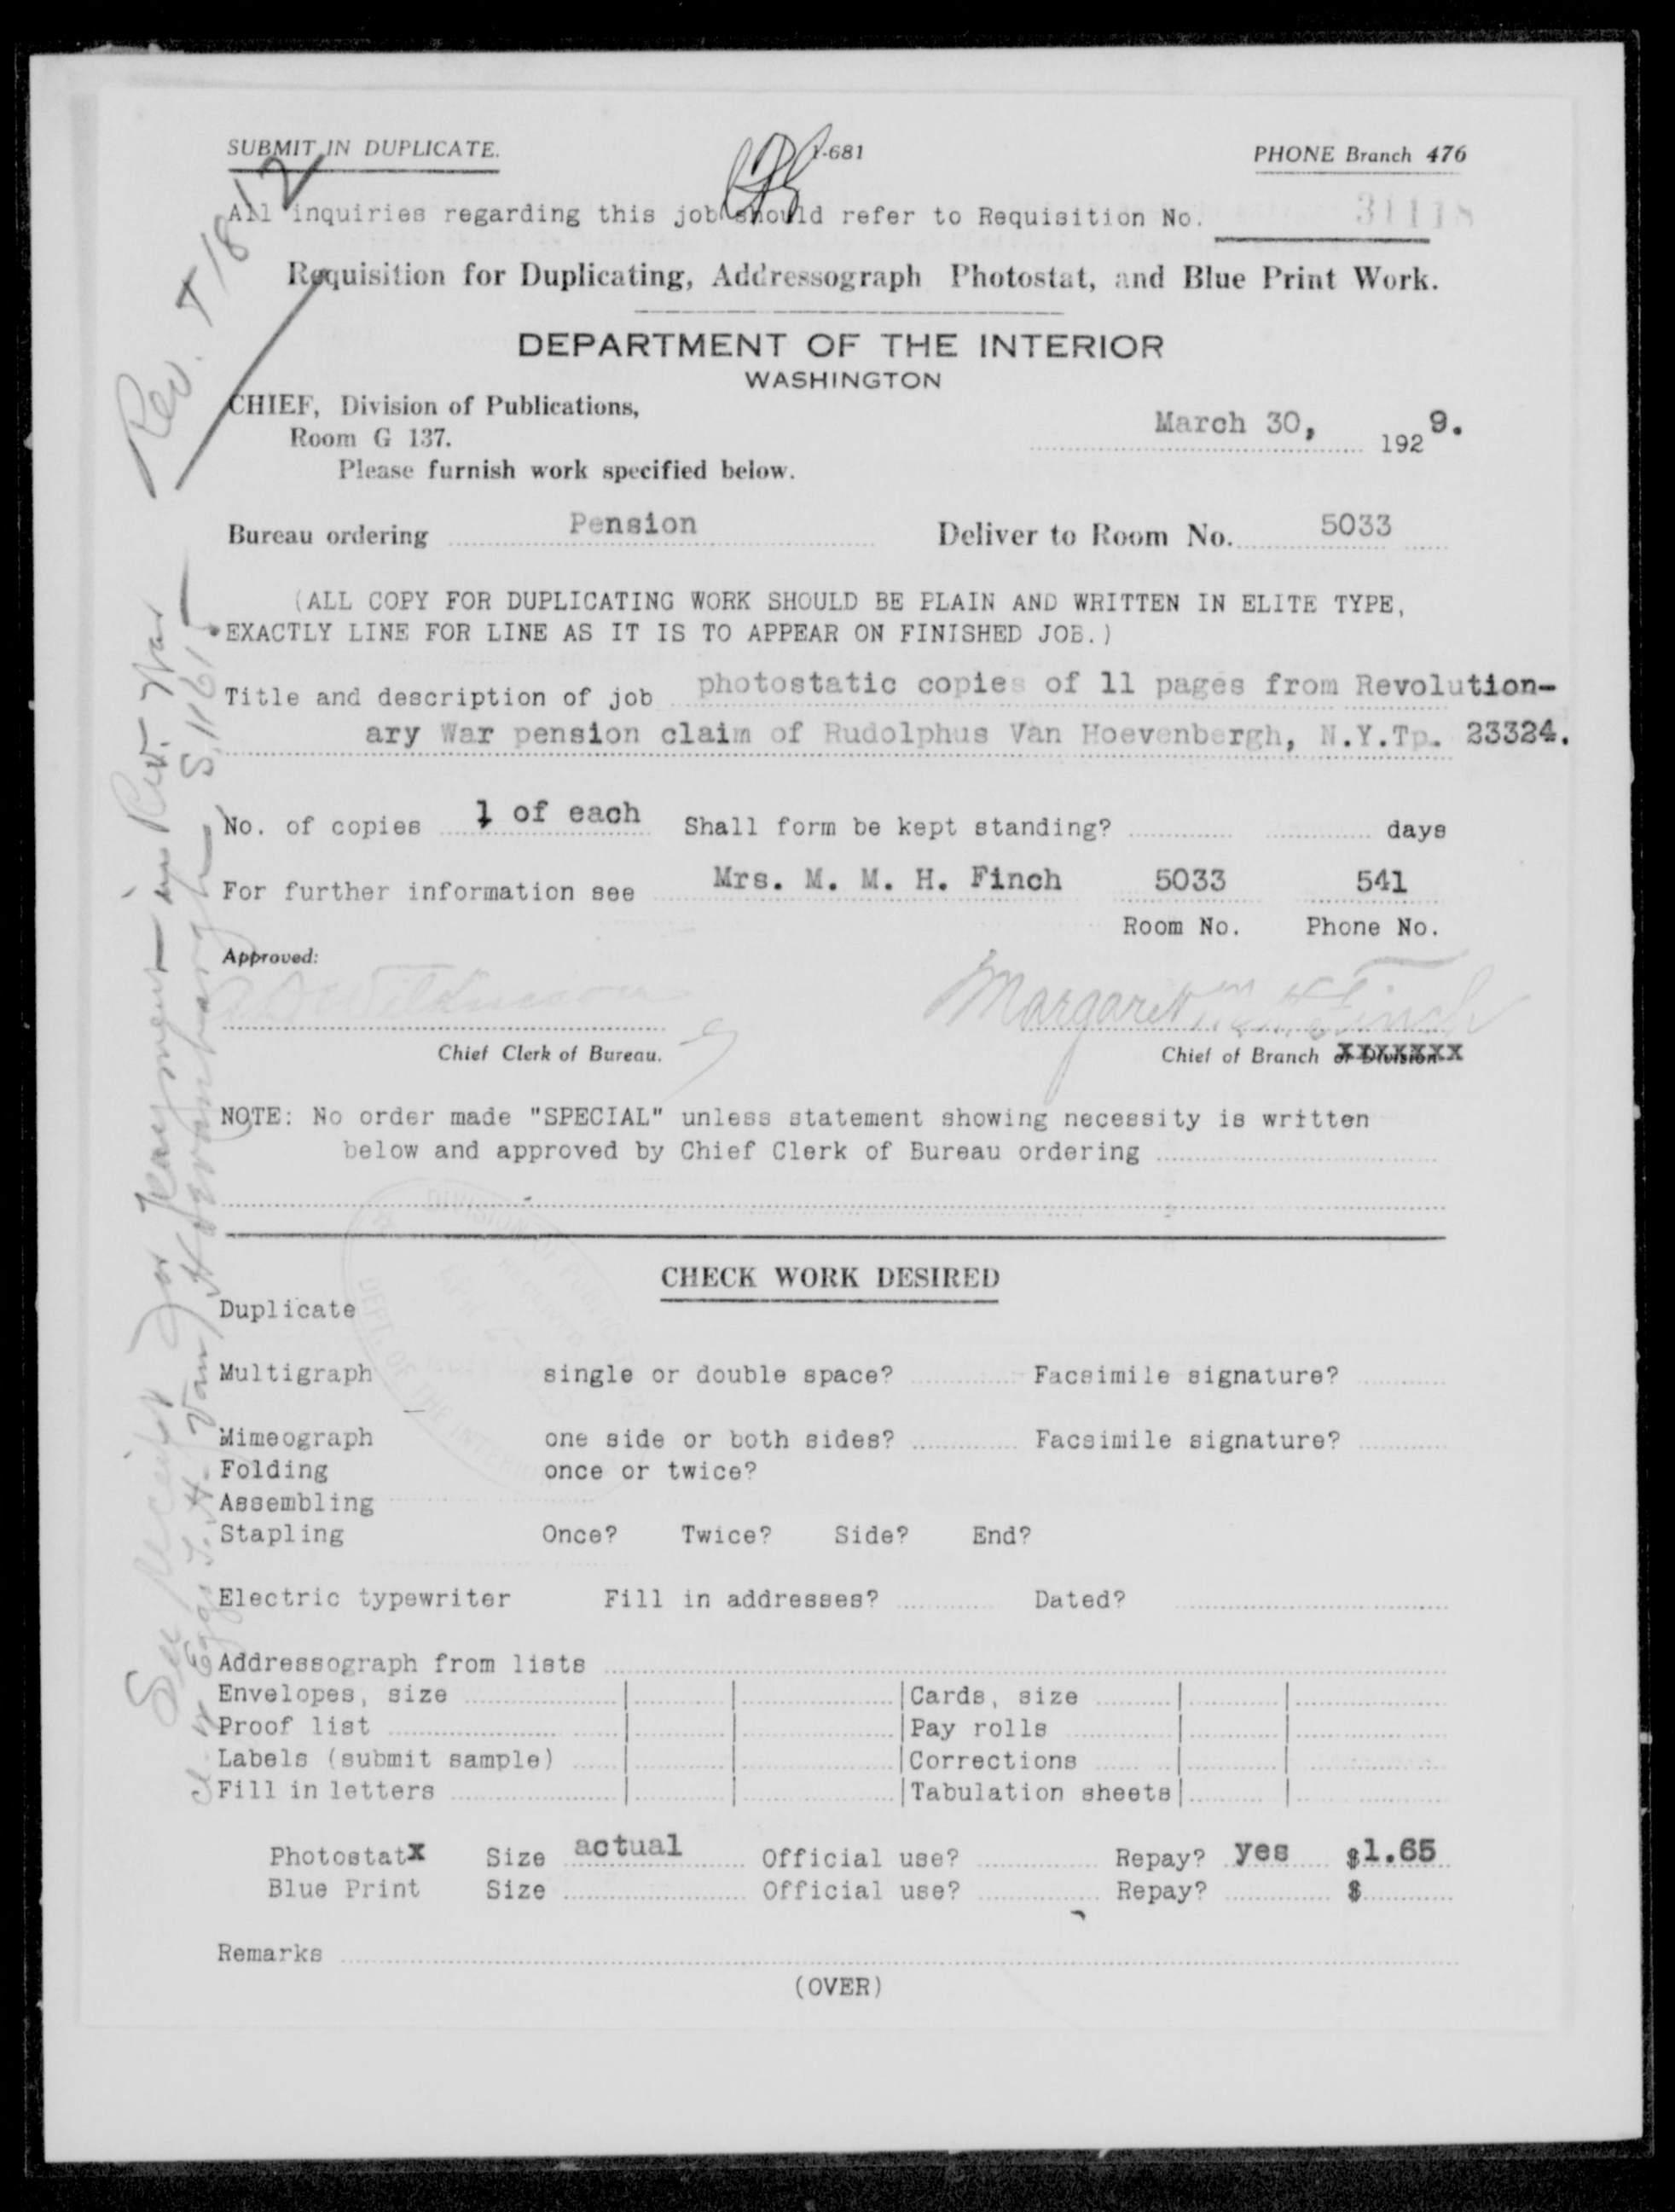SUBMIT IN DUPLICATE
1-1681
R
Phone Branch 476
[Initialed "LRG"?]
Inquiries regarding this job should refer to Requisition No. 31118
Requisition for Duplicating, Addressograph Photostat, and Blue Print Work.
DEPARTMENT OF THE INTERIOR
WASHINGTON
CHIEF, Division of Publications,
Room G 137.
March 30, 1929
Please furnish work specified below.
Bureau ordering Pension Deliver to Room No. 5033
(ALL COPY FOR DUPLICATING WORK SHOULD BE PLAIN AND WRITTEN IN ELITE TYPE, EXACTLY LINE FOR LINE AS IT IS TO APPEAR ON FINISHED JOB.)
Title and description of job: photostatic copies of 11 pages from Revolutionary War pension claim of Rudolphus Van Hovenbergh, N. Y. p. 23324.
No. of copies: 1 of each Shall form be kept standing? ___days.
For further information see Mrs. M. M. H. Finch Room 5033 Phone No. 541
Approved:
[signature indecipherable]
Chief Clerk of Bureau
Margaret M H Finch [signature]
Chief of Branch xxxxxxx
NOTE: No order made "SPECIAL" unless statement showing necessity is written below and approved by Chief Clerk of Bureau ordering
-------------------------------------------------------
CHECK WORK DESIRED
Duplicate ___
Multigraph ___single or double space? ___ Facsimile signature? ___
Mimeograph ___ one side or both sides? ___ Facsimile signature? ___
Folding ___ once or twice?
Stapling ___ Once? ___ Twice? ___ Side? ___ End? ___
Electric typewriter ___ Fill in addresses? ___ Dated? ___

Addressograph from lists ___
Envelopes, size ___
Proof list ___
Labels (submit sample) ___
Fill in letters ____

Cards, size ___
Pay rolls ___
Corrections ___
Tabulation sheets ___

Photostat "x"  Size "actual" Official use? ___ Repay? "yes" $1.65
Blue Print  Size ___ Official use? ___ Repay? ___ $ ___
Remarks___

(OVER)

[handwritten noted in left margin]
Rev. T 1842
See receipt for payment in Rev. War
ch? Eggo LT H. Van Hovenburgh S 11615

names: M M H Finch, Rudolphus Van Hoevanbergh, Margaret M H Finch, Eggo T H Van Hoevanbargh, A D Wilkinson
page: 22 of 38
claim: widow's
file: W. 23324, Rudolphus Van Hoevenbergh, New York